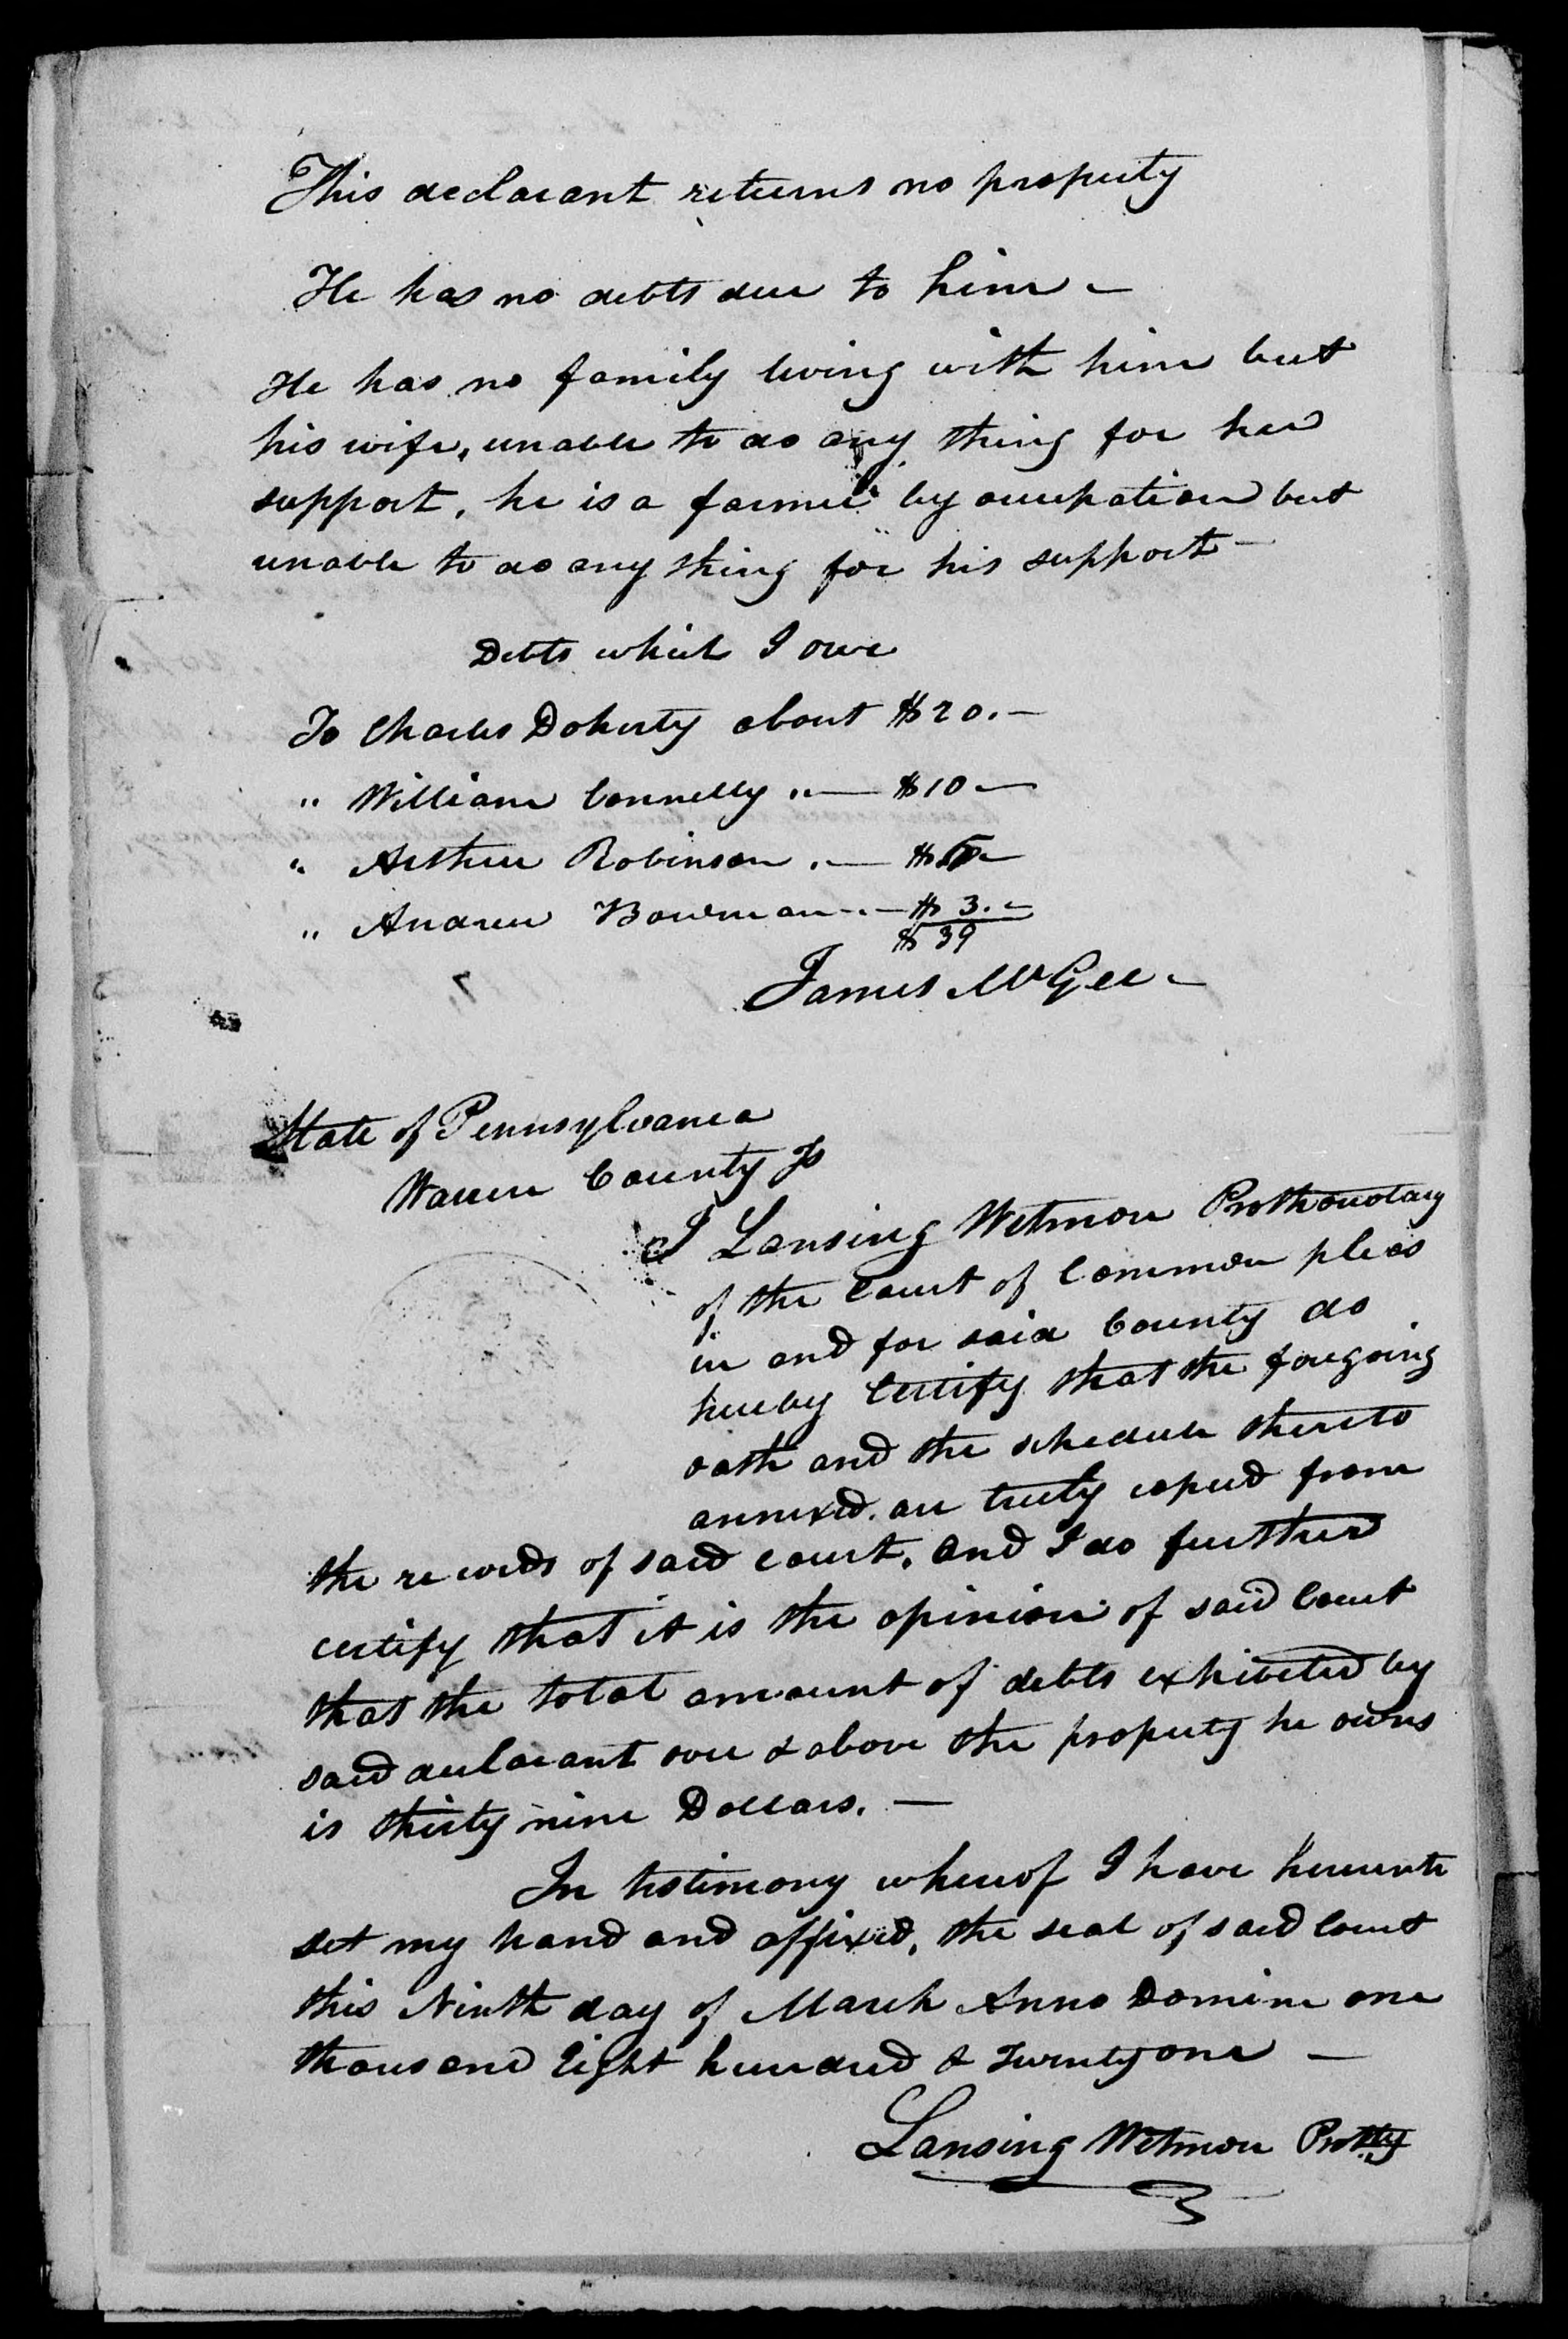This declarant return no property
He has no debts due to him – 
He has no family living with him but his wife, unable to do any thing for haherve support, he is a farmer by occupation but unable to do any thing for his support 
Debts which I owe 
To Charles Doherty about $20 
do William Connelly - $10 
do Arthur Robinson  - $6
do Andrew Bowman  - $3
                                     $39
James McGee 
State of Pennsylvania 
Warren County ss
I Lansing Witmore Prothonotary of the Court of Common pleas in and for said County do hereby certify that the foregoing oath and the schedule thereto annexed are truly copied from the records of said Court, and I do further certify that it is the opinion of said Court that the total amount of debts exhibited by said declarant over & above the property he owns is thirty nine Dollars.- 
In testimony whereof I have hereunto set my hand and affixed the seal of said Court this Ninth day of March Anno Domini one thousand Eight hundred & Twenty one – 
Lansing Witmore Prothy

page: 11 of 77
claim: widow's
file: W 2954, for James Mc Gee, Delaware